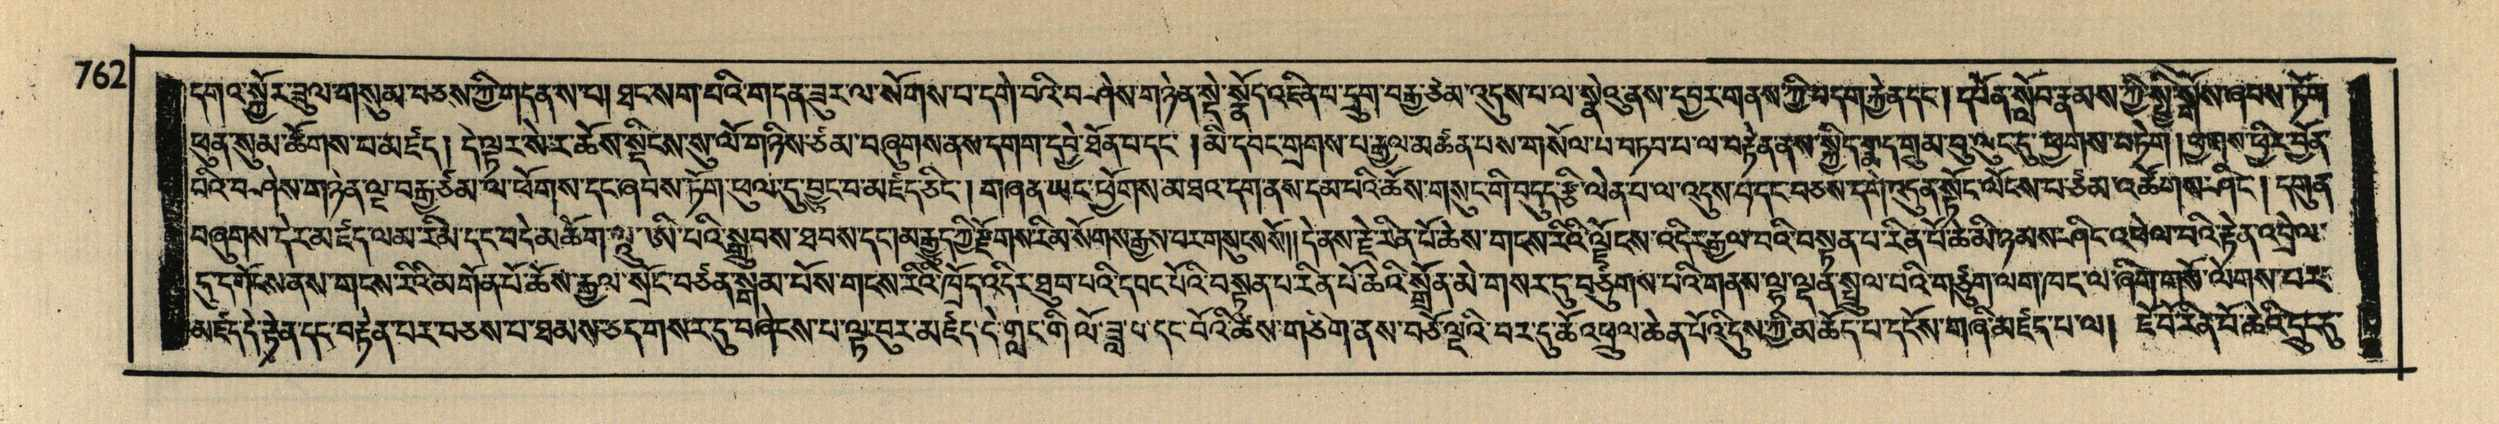དགའ་སྐྱོར་ཟུལ་གསུམ་བཅས་ཀྱི་གདན་ས་པ། ཐང་སག་པའི་གདན་ཟུར་ལ་སོགས་པ་དགེ་བའི་བཤེས་གཉེན་སྡེ་སྣོད་འཛིན་པ་དྲུག་བརྒྱ་ཙམ་འདུས་པ་ལ་སྣེའུ་ནས་དབྱར་གནས་ཀྱི་བདག་རྐྱེན་དང་། དཔོན་སློབ་རྣམས་ཀྱི་སྤྱི་སྒོས་ཞབས་ཏོག་
ཕུན་སུམ་ཚོགས་པ་མཛད། དེ་ལྟར་སེ་ར་ཆོས་སྡིངས་སུ་ལོ་གཉིས་ཙམ་བཞུགས་ནས་དགག་དབྱེ་ཐོན་པ་དང་།མི་དབང་གྲགས་པ་རྒྱལ་མཚན་པས་གསོལ་པ་བཏབ་པ་ལ་བརྟེན་ནས་སྐྱིད་སྨད་གྲུམ་བུ་ལུང་དུ་ཕྱགས་བཏེག། ཕྱགས་ཕྱིར་བྱོན་
བའི་བཤེས་གཉེན་ལྔ་བརྒྱ་ཙམ་ལ་ཕོགས་དང་ཞབས་ཏོག་ཕུལ་དུ་བྱུང་བ་མཛད་ཅིང་། གཞན་ཡང་ཕྱོགས་མཐའ་དག་ནས་དམ་པའི་ཆོས་གསུང་གི་བདུད་རྩི་ལེན་པ་ལ་འདུས་པ་དང་བཅས་དགེ་འདུན་སྟོང་ལོངས་པ་ཙམ་འཚོགས་ཤིང་། དགུན་
བཞུགས་དེར་མཛད་ལམ་རིམ་དང་བདེ་མཆོག་ལཱུ་ཨི་པའི་སྒྲུབས་ཐབས་དང་། མ་རྒྱུད་ཀྱི་རྫོགས་རིམ་སོགས་རྒྱས་པར་གསུངས་སོ། །དེ་ནས་རྗེ་རིན་པོ་ཆེས་གངས་རིའི་ལྗོངས་འདིར་རྒྱལ་བའི་བསྟན་པ་རིན་པོ་ཆེ་མི་ཉམས་ཤིང་འཕེལ་བའི་རྟེན་འབྲེལ་
དུ་དགོངས་ནས་གངས་རིའི་མགོན་པོ་ཆོས་རྒྱལ་སྲོང་བཙན་སྒམ་པོས་གངས་རིའི་ཁྲོད་འདིར་ཐུབ་པའི་དབང་པོའི་བསྟན་པ་རིན་པོ་ཆེའི་སྒྲོན་མེ་གསར་དུ་བཙུགས་པའི་གནས་ལྷ་ལྡན་སྤྲུལ་བའི་གཙུག་ལག་ཁང་ལ་ཞིག་གསོ་ལེགས་པར་
མཛད་དེ་རྟེན་དང་བརྟེན་པར་བཅས་པ་ཐམས་ཅད་གསར་དུ་བཞེངས་པ་ལྟ་བུར་མཛད་དེ་གླང་གི་ལོ་ཟླ་པ་དང་བོའི་ཚས་གཅིག་ནས་བཅོ་ལྔའི་བར་དུ་ཆོ་འཕྲུལ་ཆེན་པོའི་དུས་ཀྱི་མཆོད་པ་དངོས་གཞི་མཛད་པ་ལ། ཇོ་བོ་རིན་པོ་ཆེའི་དྲུང་དུ་